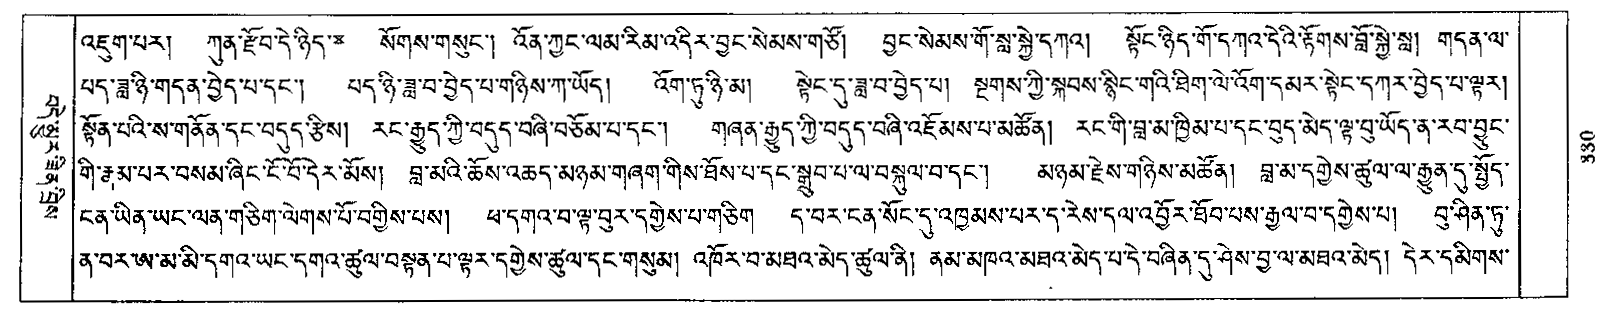འཇུག་པར། ཀུན་རྫོབ་དེ་ཉིད་྾་སོགས་གསུང་། འོན་ཀྱང་ལམ་རིམ་འདིར་བྱང་སེམས་གཙོ། བྱང་སེམས་གོ་སླ་སྐྱེ་དཀའ། སྟོང་ཉིད་གོ་དཀའ་དེའི་རྟོགས་བློ་སྐྱེ་སླ། གདན་ལ་
པད་ཟླ་ཉི་གདན་བྱེད་པ་དང་། པད་ཉི་ཟླ་བ་བྱེད་པ་གཉིས་ཀ་ཡོད། འོག་ཏུ་ཉི་མ། སྟེང་དུ་ཟླ་བ་བྱེད་པ། སྔགས་ཀྱི་སྐབས་སྙིང་གའི་ཐིག་ལེ་འོག་དམར་སྟེང་དཀར་བྱེད་པ་ལྟར།
སྟོན་པའི་ས་གནོན་དང་བདུད་རྩིས། རང་རྒྱུད་ཀྱི་བདུད་བཞི་བཅོམ་པ་དང་། གཞན་རྒྱུད་ཀྱི་བདུད་བཞི་འཇོམས་པ་མཚོན། རང་གི་བླ་མ་ཁྱིམ་པ་དང་བུད་མེད་ལྟ་བུ་ཡོད་ན་རབ་བྱུང་
གི་རྣམ་པར་བསམ་ཞིང་ངོ་བོ་དེར་མོས། བླ་མའི་ཆོས་འཆད་མཉམ་གཞག་གིས་ཐོས་པ་དང་སྒྲུབ་པ་ལ་བསྐུལ་བ་དང་། མཉམ་རྗེས་གཉིས་མཚོན། བླ་མ་དགྱེས་ཚུལ་ལ་རྒྱུན་དུ་སྤྱོད་
ངན་ཡིན་ཡང་ལན་གཅིག་ལེགས་པོ་བགྱིས་པས། ཕ་དགའ་བ་ལྟ་བུར་དགྱེས་པ་གཅིག་ད་བར་ངན་སོང་དུ་འཁྱམས་པར་ད་རེས་དལ་འབྱོར་ཐོབ་པས་རྒྱལ་བ་དགྱེས་པ། བུ་ཤིན་ཏུ་
ན་བར་ཨ་མ་མི་དགའ་ཡང་དགའ་ཚུལ་བསྟན་པ་ལྟར་དགྱེས་ཚུལ་དང་གསུམ། འཁོར་བ་མཐའ་མེད་ཚུལ་ནི། ནམ་མཁའ་མཐའ་མེད་པ་དེ་བཞིན་དུ་ཤེས་བྱ་ལ་མཐའ་མེད། དེར་དམིགས་